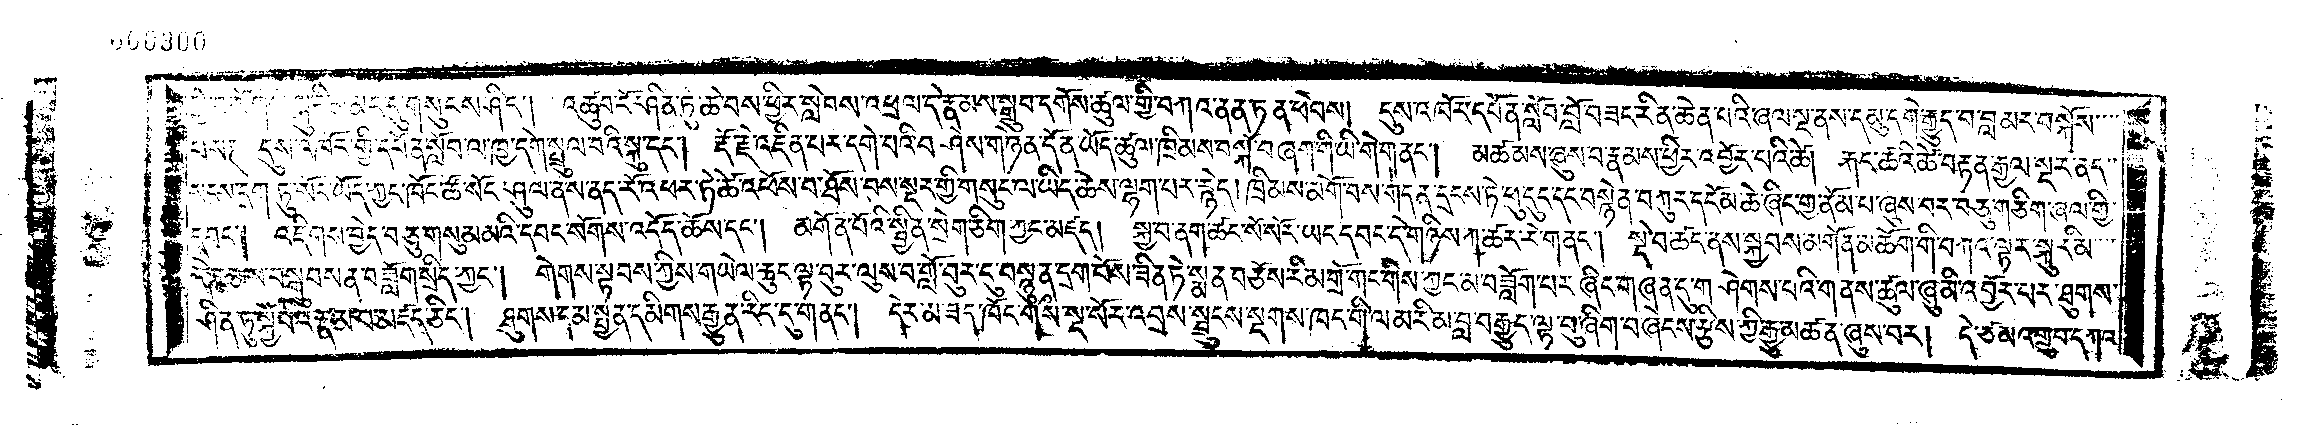བྱེ་བ་སོགས་སྐུ་རིམ་མང་དུ་གསུངས་ཤིང་། འཚུབ་ཇོ་ཤིན་ཏུ་ཆེ་བས་ཕྱིར་སླེབས་འཕྲལ་དེ་རྣམས་སྒྲུབ་དགོས་ཚུལ་གྱི་བཀའ་ནན་ཏན་ཕེབས། དུས་འཁོར་དཔོན་སློབ་བློ་བཟང་རིན་ཆེན་པའི་ཞལ་སྔ་ནས་དམུ་དགེ་རྒྱུད་པ་བླ་མར་བསྐོས་
པས༑ དུས་འཁོར་གྱི་དཔོན་སློབ་ལ་ཁྱ་དགེ་སྤྲུལ་པའི་སྐུ་དང་། རྡོ་རྗེ་འཛིན་པར་དགེ་བའི་བཤེས་གཉེན་དོན་ཡོད་ཚུལ་ཁྲིམས་བསྐོ་བཞག་གི་ཡི་གེ་གནང་། མཚམས་ཞུས་པ་རྣམས་ཕྱིར་འབྱོར་པའི་ཚེ། རྐང་ཚའི་ཚེ་བརྟན་རྒྱལ་སྔར་ནད་
སངས་དྲག་ཏུ་སོང་ཡོད་ཀྱང་ཁོང་ཚོ་སོང་ཤུལ་ནས་ནད་རོ་འཕར་ཏེ་ཚེ་འཕོས་པ་ཐོས་པས་སྔར་གྱི་གསུང་ལ་ཡིད་ཆེས་ལྷག་པར་རྙེད། ཁྲིམས་མགོ་བས་གདན་དྲངས་ཏེ་ཕུ་དུད་དང་བསྙེན་བཀུར་དངོམ་ཆེ་ཞིང་གྱ་ནོམ་པ་ཞུས་པར་བཅུ་གཅིག་ཞལ་གྱི་
དབང་། འཇིགས་བྱེད་བཅུ་གསུམ་མའི་དབང་སོགས་འདོད་ཆོས་དང་། མགོན་པོའི་སྦྱིན་སྲེག་ཅིག་ཀྱང་མཛད། སྐྱ་བ་ནག་ཚང་སོ་སོར་ཡང་དབང་དེ་གཉིས་ཀ་ཚར་རེ་གནང་། སྡེ་བ་ཚང་ནས་སྐྱབས་མགོན་མཆོག་གི་བཀའ་ལྟར་སྐུ་རིམ་
དེ་རྣམས་བསྒྲུབས་ན་བཟློག་སྲིད་ཀྱང་། གེགས་སྟབས་ཀྱིས་གཡེལ་ཆུང་ལྟ་བུར་ལུས་པ་གློ་བུར་དུ་བསྙུན་དྲག་པོས་ཟིན་ཏེ་སྨན་བཅོས་རིམ་གྲོ་གང་གིས་ཀྱང་མ་བཟློག་པར་ཞིང་གཞན་དུ་གཤེགས་པའི་གནས་ཚུལ་ཞུ་མི་འབྱོར་པར་ཐུགས་
ཤིན་ཏུ་སྐྱོ་བའི་རྣམ་པ་མཛད་ཅིང་། ཐུགས་དམ་སྤྱན་དམིགས་རྒྱུན་རིང་དུ་གནང་། དེར་མ་ཟད་ཁོང་གྀས་སྔ་སོར་འབྲས་སྦྲུངས་སྔགས་ཁང་གི་ལམ་རིམ་བླ་བརྒྱུད་ལྟ་བུ་ཞིག་བཞེངས་རྩིས་ཀྱི་རྒྱུ་མཚན་ཞུས་པར། དེ་ཙམ་འགྲུབ་དཀའ་